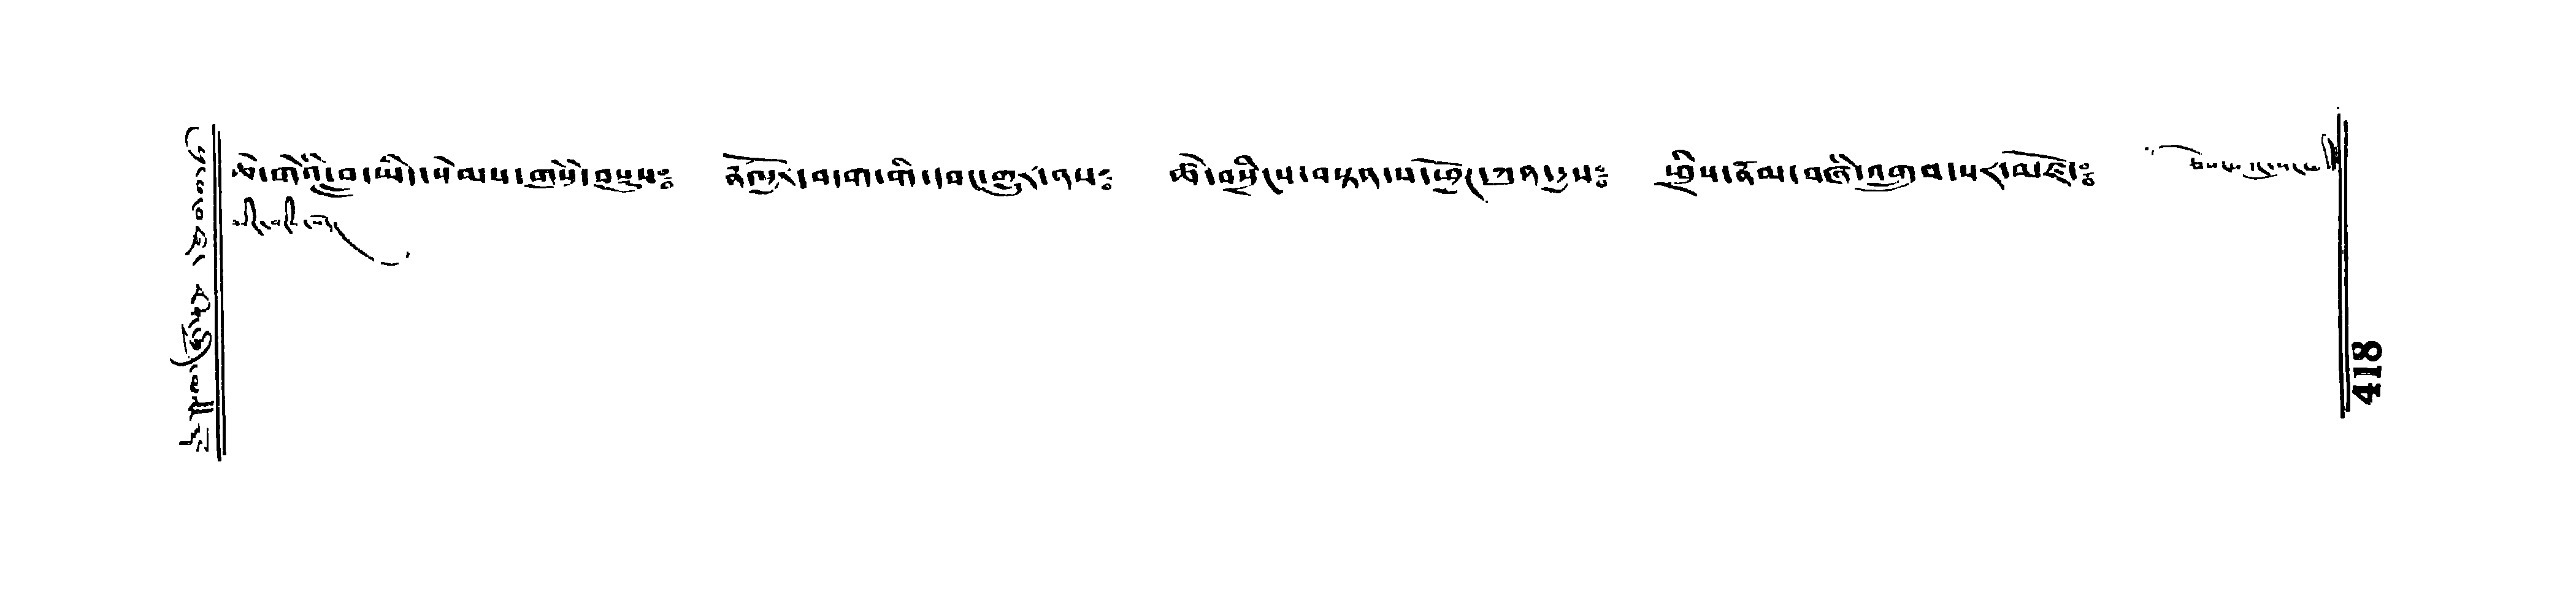ཆེ་གེའི་བླ་ཡིད་སེམས་གསུམ་བསྡུས༔ རྣལ་འབྱོར་བདག་གི་དབང་གྱུར་ནས༔ ཚེ་བསྲིངས་བསྟན་པ་ཕྱོགས་ཀུན་རྒྱས༔ ཕྲིན་ལས་རྣམ་བཞི་འགྲུབ་པར་མཛོད༔ 
ཅེས་པའང་སུ་ཁའི་མིང་གིས་སོ།།